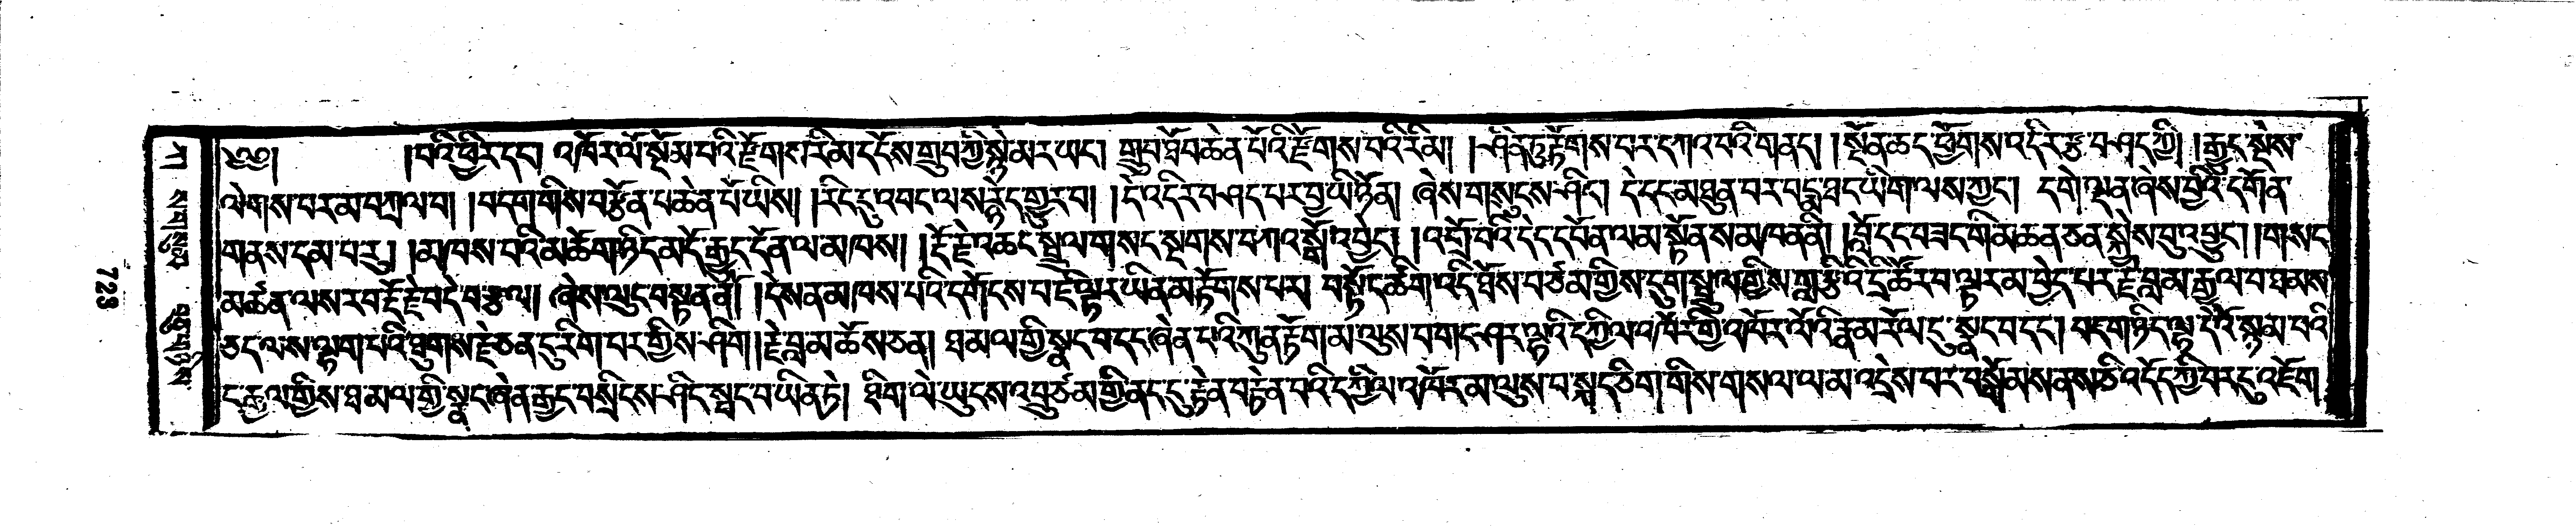༄༅། །པའི་ཕྱིར་དང་། འཁོར་ལོ་སྡོམ་པའི་རྫོགས་རིམ་དངོས་གྲུབ་ཀྱི་སྙེ་མར་ཡང་། གྲུབ་ཐོབ་ཆེན་པོའི་རྫོགས་པའི་རིམ། །ཤིན་ཏུ་རྟོགས་པར་དཀའ་བའི་གནད། །སྔོན་ཆད་ཕྱོགས་འདིར་རྩ་བཤད་ཀྱི། །རྒྱུད་སྡེས་
ལེགས་པར་མ་བཀྲལ་བ། །བདག་གིས་བརྩོན་པ་ཆེན་པོ་ཡིས། །རིང་དུ་འབད་ལས་རྙེད་གྱུར་པ། །དེ་འདིར་བཤད་པར་བྱ་ཡི་ཉོན། ཞེས་གསུངས་ཤིང་། དེ་དང་མཐུན་པར་པདམ་ཐང་ཡིག་ལས་ཀྱང་། དགེ་ལྡན་ཞེས་བྱའི་དགོན་
གནས་དམ་པ་རུ། །མཁས་པའི་མཆོག་ཉིད་མདོ་རྒྱུད་དོན་ལ་མཁས། །རྡོ་རྗེ་འཆང་སྤྲུལ་གསང་སྔགས་བཀའ་སྒོ་འབྱེད། །འགྲོ་བའི་དེད་དཔོན་ལམ་སྟོན་ས་མཁན་ནི། །བློ་དང་བཟང་གི་མཚན་ཅན་སྐྱེས་བུ་འབྱུང་། །གསང་
མཚན་ལས་རབ་རྡོ་རྗེ་བདེ་བ་རྩལ། ཞེས་ལུང་བསྟན་ནོ། །དེས་ན་མཁས་པའི་དགོངས་པ་ཇི་ལྟར་ཡིན་མ་རྟོགས་པར། བསྟོད་ཚིག་འདི་ཐོས་པ་ཙམ་གྱིས་དུག་སྦྲུལ་གྱིས་གླ་རྩིའི་དྲི་ཚོར་བ་ལྟར་མ་བྱེད་པར་རྗེ་བླ་མ་རྒྱལ་བ་ཐམས་
ཅད་ལས་ལྷག་པའི་ཐུགས་རྗེ་ཅན་དུ་རིག་པར་གྱིས་ཤིག །རྗེ་བླ་མ་ཆོས་ཅན། ཐ་མལ་གྱི་སྣང་བ་དང་ཞེན་པའི་ཀུན་རྟོག་མ་ལུས་པ་གང་ཤར་ལྷའི་དཀྱིལ་འཁོར་གྱི་འཁོར་ལོའི་རྣམ་རོལ་དུ་སྣང་བ་དང་། བདག་ཉིད་ལྷ་དེའོ་སྙམ་པའི་
ང་རྒྱལ་གྱིས་ཐ་མལ་གྱི་སྣང་ཞེན་རྒྱང་བསྲིངས་ཤིང་སྤང་བ་ཡིན་ཏེ། ཐིག་ལེ་ཡུངས་འབྲུ་ཙམ་གྱི་ནང་དུ་རྟེན་བརྟེན་པའི་དཀྱིལ་འཁོར་མ་ལུས་པ་སྐད་ཅིག་གིས་གསལ་ལམ་འདྲིས་པར་བསྒོམས་ནས་ཅི་འདོད་ཀྱི་བར་དུ་འཇོག་